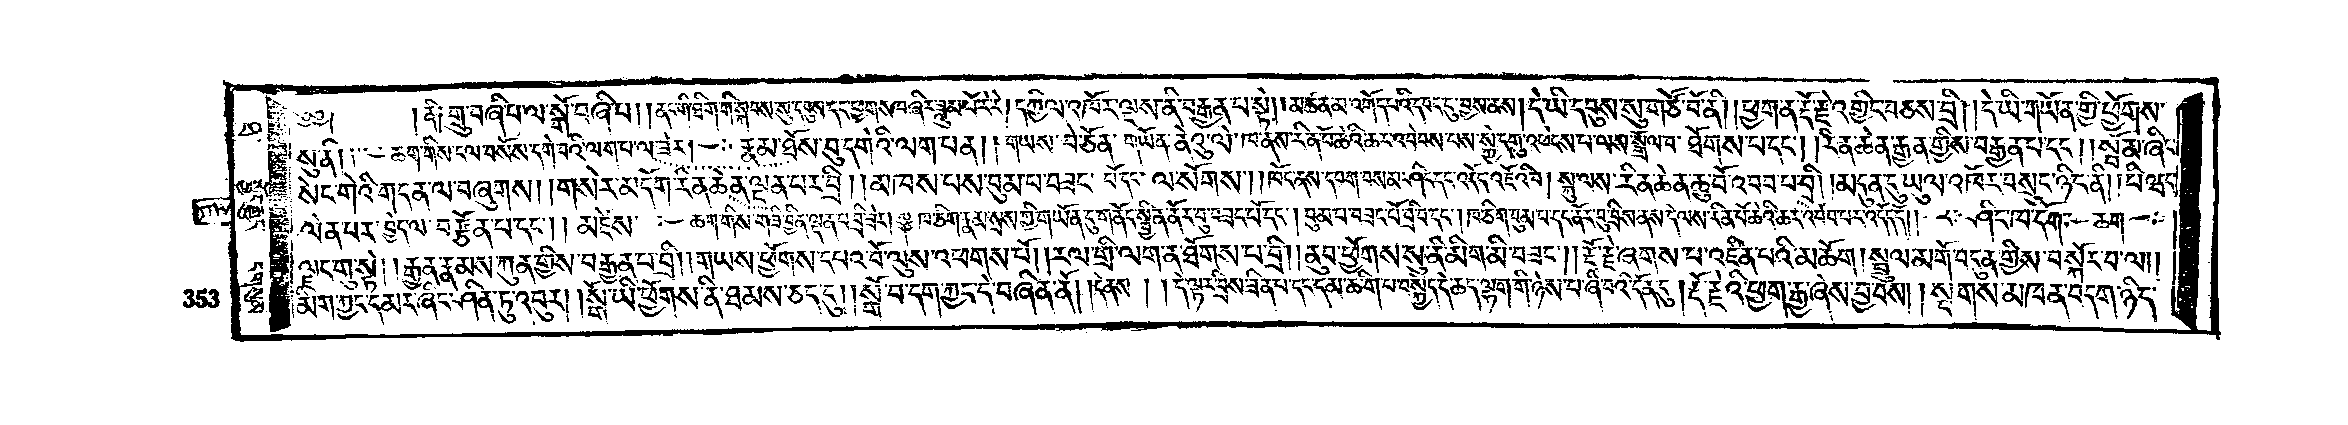༄༅། །ནི། གྲུ་བཞི་པ་ལ་སྒོ་བཞི་པ། །ནང་གི་ཐིག་གི་སྐབས་སུ་དབུས་དང་ཕྱགས་བཞིར་ཟླུམ་པོ་རེ་རེ། དཀྱིལ་འཁོར་ལྔས་ནི་བརྒྱན་པ་སྟེ། །མཚན་མ་འགོད་པའི་དབང་དུ་བྱས་ནས།  དེ་ཡི་དབུས་སུ་གཙོ་བོ་ནི། །ཕྱག་ན་རྡོ་རྗེ་འགྱིང་བཅས་བྲི། །དེ་ཡི་གཡོན་གྱི་ཕྱོགས་
སུ་ནི། །H.་ཆག་གིས་ངལ་བསོས་དགེ་བའི་ལག་པ་ལ་ཟེར། .Hརྣམ་ཐོས་བུ་དགེའི་ལག་པ་ན། །གཡས་བེ་ཅོན་གཡོན་ནེའུ་ལེ་ཁ་ནས་རིན་པོ་ཆེའི་ཆར་འབེབས་པས་སྐྱེ་དགུ་འཕོངས་པ་ལས་སྒྲོལ་བ་ཐོགས་པ་དང་། །རིན་ཆེན་རྒྱན་གྱིས་བརྒྱན་པ་དང་། །སྦོམ་ཞིང་
སེང་གེའི་གདན་ལ་བཞུགས། །གསེར་མདོག་རིན་ཆེན་ལྡན་པར་བྲི། །མཁས་པས་བུམ་པ་བཟང་པོ་དང་ལ་སོགས། །ཁོང་ནས་དཔག་བསམ་ཤིང་དང་འདོད་འཇོའི་བ། སྐུ་ལས་རིན་ཆེན་ཆུ་བོ་འབབ་པ་བྲི། །མདུན་དུ་ཡུལ་འཁོར་བསྲུང་ཉིད་ནི། །པི་ཝང་
ལེན་པར་བྱེད་ལ་བརྩོན་པ་དང་། །མཛེས་H.་ཆག་གིས་གཟི་བྱིན་ལྡན་པ་བྲི་ཟེར། ༈ ཁ་ཅིག་རྣམ་སྲས་ཀྱི་གཡོན་དུ་གནོད་སྦྱིན་ནོར་བུ་བཟང་པོ་དང་། བུམ་པ་བཟང་པོ་བྲི་བ་དང་། ཁ་ཅིག་བུམ་པ་དང་ནོར་བུ་བྲིས་ནས་དེ་ལས་རིན་པོ་ཆེའི་ཆར་འབེབ་པར་འདོད་དོ།།  ཤིང་ཁ་དོག་H.་ཆག་.H
ལྗང་གུ་སྟེ། །རྒྱན་རྣམས་ཀུན་གྱིས་བརྒྱན་པ་བྲི། །གཡས་ཕྱོགས་དཔའ་བོ་ལུས་འཕགས་པོ། །རལ་གྲི་ལག་ན་ཐོགས་པ་བྲི། །ནུབ་ཕྱོགས་སུ་ནི་མིག་མི་བཟང་། །རྡོ་རྗེ་ཞགས་པ་འཛིན་པའི་མཆོག །སྤྲུལ་མགོ་བདུན་གྱིས་བསྐོར་བ་ལ། །
མིག་ཀྱང་དམར་ཞིང་ཤིན་ཏུ་འབུར། །སྒོ་ཡི་ཕྱོགས་ནི་ཐམས་ཅད་དུ། །སྒོ་བ་དག་ཀྱང་དེ་བཞིན་ནི། ། དེ་ནས། །དེ་ལྟར་བྲིས་ཟིན་པ་དང་དམ་ཚིག་པ་བསྐྱེད་དེ་ཆད་ལྷག་གི་ཉེས་པ་ཞི་བའི་དོན་དུ།  རྡོ་རྗེའི་ཕྱག་རྒྱ་ཞེས་བྱ་བས། །སྔགས་མཁན་བདག་ཉིད་